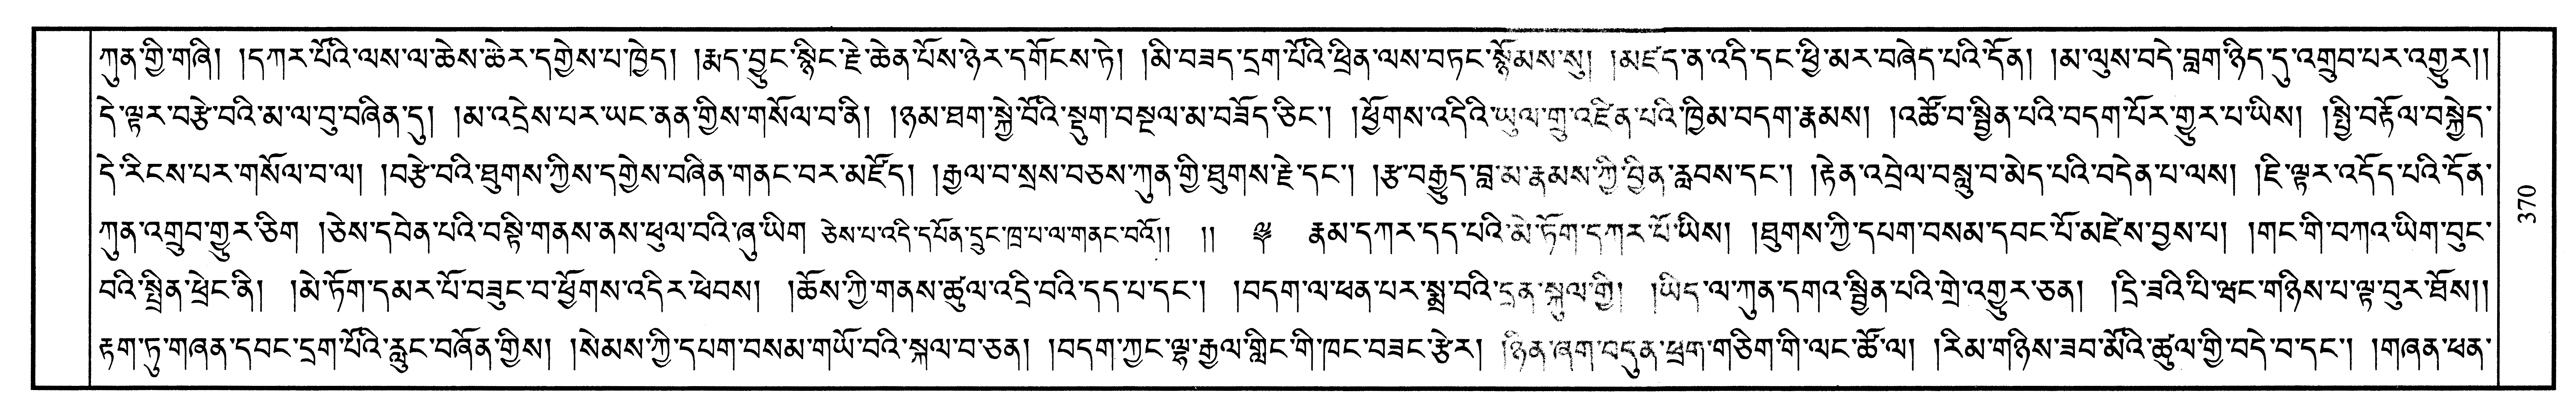ཀུན་གྱི་གཞི། །དཀར་པོའི་ལས་ལ་ཆེས་ཆེར་དགྱེས་པ་ཁྱེད། །རྨད་བྱུང་སྙིང་རྗེ་ཆེན་པོས་ཉེར་དགོངས་ཏེ། །མི་བཟད་དྲག་པོའི་ཕྲིན་ལས་བཏང་སྙོམས་སུ། །མཛད་ན་འདི་དང་ཕྱི་མར་བཞེད་པའི་དོན། །མ་ལུས་བདེ་བླག་ཉིད་དུ་འགྲུབ་པར་འགྱུར།།
དེ་ལྟར་བརྩེ་བའི་མ་ལ་བུ་བཞིན་དུ། །མ་འདྲེས་པར་ཡང་ནན་གྱིས་གསོལ་བ་ནི། །ཉམ་ཐག་སྐྱེ་བོའི་སྡུག་བསྔལ་མ་བཟོད་ཅིང་། །ཕྱོགས་འདིའི་ཡུལ་གྲུ་འཛིན་པའི་ཁྱིམ་བདག་རྣམས། །འཚོ་བ་སྦྱིན་པའི་བདག་པོར་གྱུར་པ་ཡིས། །སྤྱི་བརྟོལ་བསྐྱེད་
དེ་རིངས་པར་གསོལ་བ་ལ། །བརྩེ་བའི་ཐུགས་ཀྱིས་དགྱེས་བཞིན་གནང་བར་མཛོད། །རྒྱལ་བ་སྲས་བཅས་ཀུན་གྱི་ཐུགས་རྗེ་དང་། །རྩ་བརྒྱུད་བླ་མ་རྣམས་ཀྱི་བྱིན་རླབས་དང་། །རྟེན་འབྲེལ་བསླུ་བ་མེད་པའི་བདེན་པ་ལས། །ཇི་ལྟར་འདོད་པའི་དོན་
ཀུན་འགྲུབ་གྱུར་ཅིག །ཅེས་དབེན་པའི་བསྟི་གནས་ནས་ཕུལ་བའི་ཞུ་ཡིག་ཅེས་པ་འདི་དཔོན་དྲུང་ཁྲ་པ་ལ་གནང་བའོ།། །། ༈ རྣམ་དཀར་དད་པའི་མེ་ཏོག་དཀར་པོ་ཡིས། །ཐུགས་ཀྱི་དཔག་བསམ་དབང་པོ་མཛེས་བྱས་པ། །གང་གི་བཀའ་ཡིག་བུང་
བའི་སྤྲིན་ཕྲེང་ནི། །མེ་ཏོག་དམར་པོ་བཟུང་བ་ཕྱོགས་འདིར་ཕེབས། །ཆོས་ཀྱི་གནས་ཚུལ་འདྲི་བའི་དད་པ་དང་། །བདག་ལ་ཕན་པར་སྨྲ་བའི་དྲན་སྐུལ་གྱི། །ཡིད་ལ་ཀུན་དགའ་སྦྱིན་པའི་གྲེ་འགྱུར་ཅན། །དྲི་ཟའི་པི་ཝང་གཉིས་པ་ལྟ་བུར་ཐོས།།
རྟག་ཏུ་གཞན་དབང་དྲག་པོའི་རླུང་བཞོན་གྱིས། །སེམས་ཀྱི་དཔག་བསམ་གཡོ་བའི་སྐལ་བ་ཅན། །བདག་ཀྱང་ལྷ་རྒྱལ་གླིང་གི་ཁང་བཟང་རྩེར། །ཉིན་ཞག་བདུན་ཕྲག་གཅིག་གི་ལང་ཚོ་ལ། །རིམ་གཉིས་ཟབ་མོའི་ཚུལ་གྱི་བདེ་བ་དང་། །གཞན་ཕན་